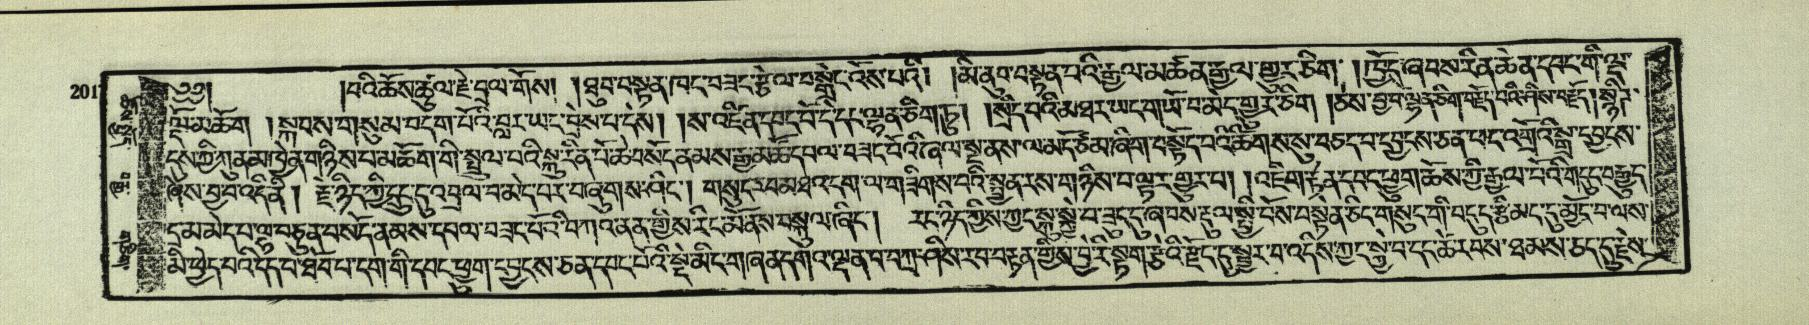༄༅། །བའི་ཆོས་ཚུལ་རྗེ་བྲལ་གོས། །ཐུབ་བསྟན་ཁང་བཟང་རྩེལ་བསྒྲེང་འོས་པའི། །མི་ནུབ་བསྟན་པའི་རྒྱལ་མཚན་རྒྱལ་གྱུར་ཅིག། །ཁྱོད་ཞབས་རིན་ཆེན་དབང་གི་ལྡ་
ལྡོ་མཆོག །སྐབས་གསུམ་བདག་པོའི་བླར་ཡང་བྲེས་པ་དེས། །ས་འཛིན་དབང་པོ་དེ་དང་ལྷན་ཅིག་ཏུ། །སྲིད་པའི་མཐར་ཡང་གཡོ་བ་མེད་གྱུར་ཅིག །ཅེས་བྱ་བ་ལྷན་ཅིག་བརྗོད་པའི་ཤིས་བརྗོད། སྙིཌ་
དུས་ཀྱི་ཀུན་མཁྱེན་གཉིས་པ་མཆོག་གི་སྤྲུལ་པའི་སྐུ་རིན་པོ་ཆེ་བསོད་ནམས་རྒྱ་མཚོ་དཔལ་བཟང་པོའི་ཞལ་སྔ་ནས་ལ་མདོ་ཙམ་ཞིག་བསྟོད་པའི་ཚིགས་སུ་བཅད་པ་དབྱངས་ཅན་ཕང་འགྲོའི་སྒྲ་དབྱངས་
ཞེས་བྱ་བ་འདི་ནི། རྗེ་ཉིད་ཀྱི་དྲུང་དུ་འབྲལ་བ་མེད་པར་བཞུགས་ཤིང་། གསུང་རབ་མཐའ་དག་ལ་གཟིགས་བའི་སྤྱན་རས་གཉིས་པ་ལྟར་གྱུར་པ། །འཇིག་རྟེན་དབང་ཕྱུག་ཆོས་ཀྱི་རྒྱལ་པོའི་གདུང་བརྒྱུད་
དྲ་མ་མེད་པ་ལྷ་བཅུན་བསོད་ནམས་དཔལ་བཟང་པོའི་བཀའ་ནན་གྱིས་རིང་མོ་ནས་བསྐུལ་ཞིང་། རང་ཉིད་ཀྱིས་ཀྱང་སྐུ་སྐྱེ་བ་ཟུང་དུ་ཞབས་རྡུལ་སྤྱི་པོས་བསྟེན་ཅིང་གསུང་གི་བདུད་རྩི་མང་དུ་མྱོང་བ་ལས་
མི་ཕྱེད་པའི་དད་པ་ཐོབ་པ་དག་གི་དབང་ཕྱུག་དབྱངས་ཅན་དབང་པོའི་སྡེ་མིང་གཞན་དགའ་ལྡན་པ་བཀྲ་ཤིས་རབ་བརྟན་གྱིས་བྱེ་རི་སྟག་རྩེའི་རྫོང་དུ་སྦྱར་བ་འདིས་ཀྱང་སྐྱེ་བ་དང་ཚེ་རབས་ཐམས་ཅད་དུ་རྗེས་